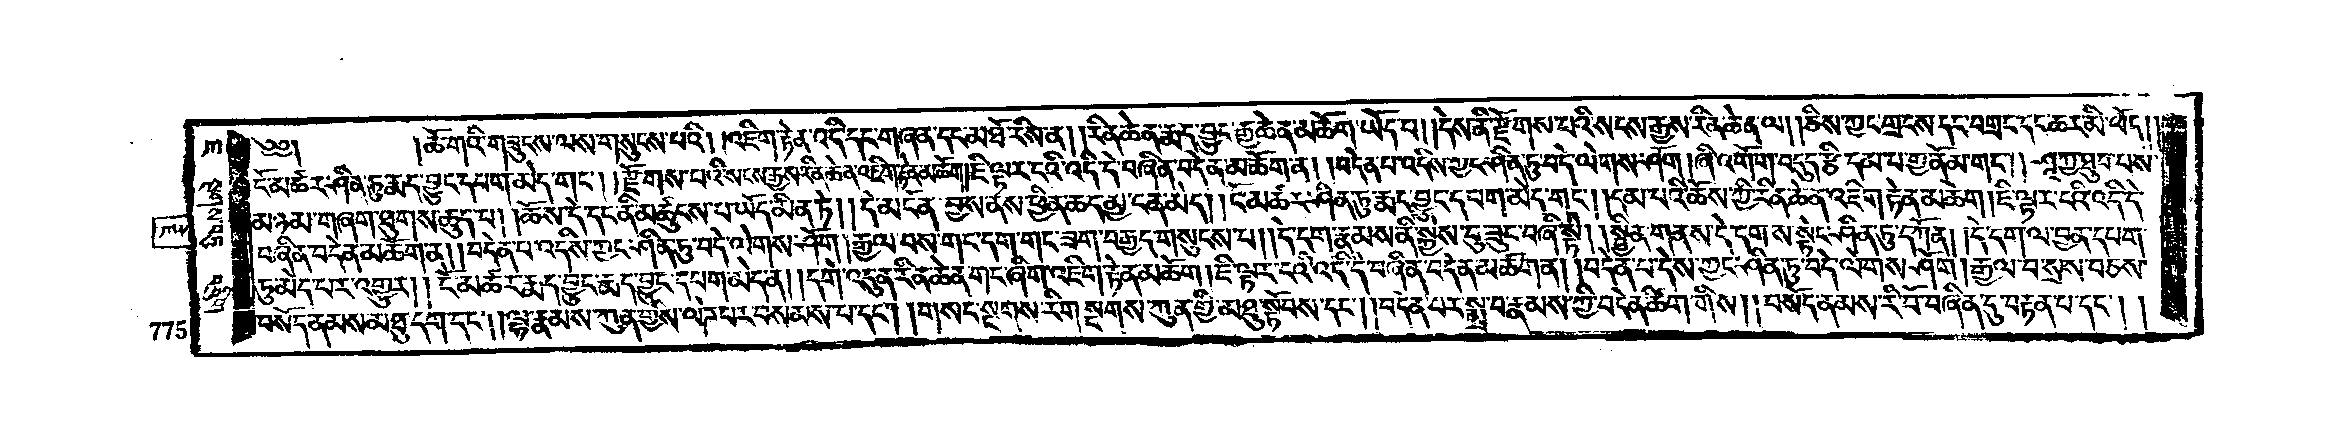༄༅། །ཆོ་གའི་གཟུངས་ལས་གསུངས་པའི། །འཇིག་རྟེན་འདི་དང་གཞན་དང་མཐོ་རིས་ན། །རིན་ཆེན་རྨད་བྱུང་རྒྱ་ཆེན་མཆོག་ཡོད་པ། །དེས་ནི་རྫོགས་པའི་སངས་རྒྱས་རིན་ཆེན་ལ། །ཅིས་ཀྱང་གྲངས་དང་བགྲང་དང་ཆར་མི་ཕོད། །
ངོ་མཚར་ཤིན་ཏུ་རྨད་བྱུང་དཔག་མེད་གང་། །རྫོགས་པའི་སངས་རྒྱས་རིན་ཆེན་འཇིག་རྟེན་མཆོག །ཇི་ལྟར་ངའི་འདི་དེ་བཞིན་བདེན་མཆོག་ན། །བདེན་པ་འདིས་ཀྱང་ཤིན་ཏུ་བདེ་ལེགས་ཤོག །ཞི་འགོག་བདུད་རྩི་དམ་པ་གྱ་ནོམ་གང་། །ཤཱཀྱ་ཐུབ་པས་
མཉམ་གཞག་ཐུགས་ཆུད་པ། །ཆོས་དེ་དང་ནི་མཚུངས་པ་ཡོད་མིན་ཏེ། །དེ་མངོན་བྱས་ནས་ཕྱིན་ཆད་མྱ་ངན་མེད། །ངོ་མཚར་ཤིན་ཏུ་རྨད་བྱུང་དཔག་མེད་གང་། །དམ་པའི་ཆོས་ཀྱི་རིན་ཆེན་འཇིག་རྟེན་མཆོག །ཇི་ལྟར་ངའི་འདི་དེ་
བཞིན་བདེན་མཆོག་ན། །བདེན་པ་འདིས་ཀྱང་ཤིན་ཏུ་བདེ་ལེགས་ཤོག །རྒྱལ་བས་གང་དག་གང་ཟག་བརྒྱད་གསུངས་པ། །དེ་དག་རྣམས་ནི་སྐྱེས་བུ་ཟུང་བཞི་སྟེ། །སྦྱིན་གནས་དེ་དག་ས་སྟེང་ཤིན་ཏུ་དཀོན། །དེ་དག་ལ་བྱིན་དཔག་
ཏུ་མེད་པར་འགྱུར། །ངོ་མཚར་རྨད་བྱུང་རྨད་བྱུང་དཔག་མེད་ན། །དགེ་འདུན་རིན་ཆེན་གང་ཞིག་འཇིག་རྟེན་མཆོག །ཇི་ལྟར་ངའི་འོད་དེ་བཞིན་བདེན་མཆོག་ན། །བདེན་པ་དེས་ཀྱང་ཤིན་ཏུ་བདེ་ལེགས་ཤོག །རྒྱལ་བ་སྲས་བཅས་
བསོད་ནམས་མཐུ་དག་དང་། །ལྷ་རྣམས་ཀུན་གྱིས་ལེགས་པར་བསམས་པ་དང་། །གསང་སྔགས་རིག་སྔགས་ཀུན་གྱི་མཐུ་སྟོབས་དང་། །བདེན་པར་སྨྲ་བ་རྣམས་ཀྱི་བདེན་ཚིག་གིས། །བསོད་ནམས་རི་བོ་བཞིན་དུ་བརྟན་པ་དང་། །